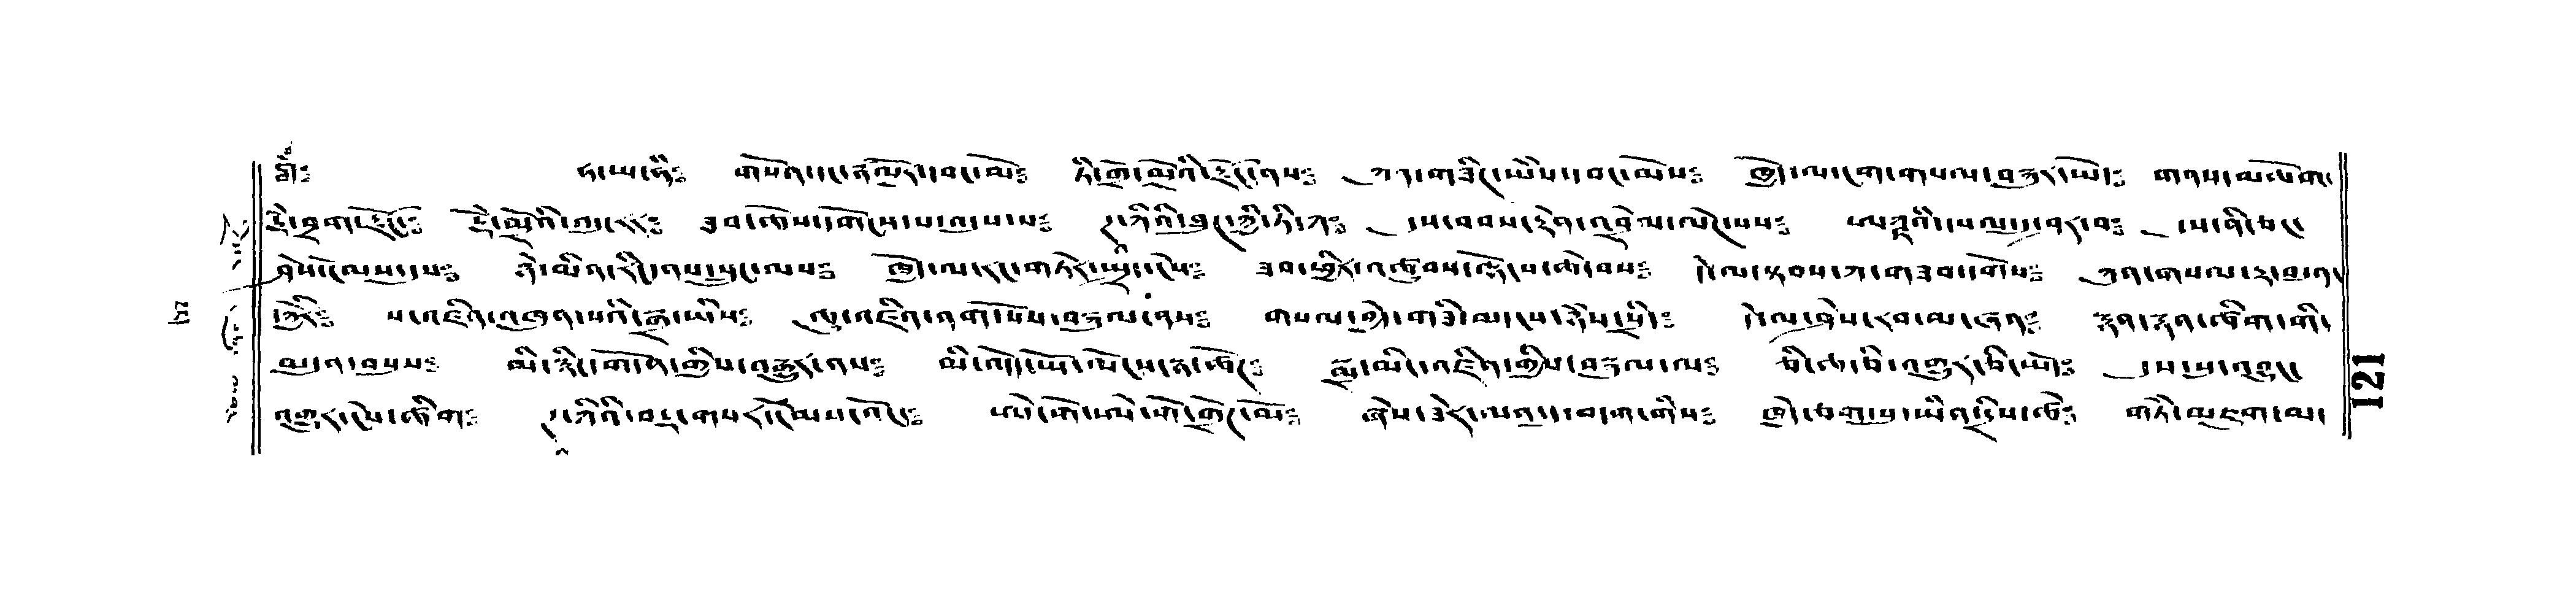ཧ་ཡ་ཧི༔ གསོན་དང་རྣལ་འབྱོར་དབང་མོ༔ ཏི་གྲོ་མཁའ་འགྲོའི་རྫོང་ནས༔ ཀུན་གཟིགས་ཡེ་ཤེས་དབང་མོས༔ ཁྱོད་ལ་ངག་གསལ་བསྐུར་ཡོད༔ གནས་མཆོག་
རྡོ་རྗེ་བྲག་རྫོང༔ རྡོ་རྗེ་མཁའ་འགྲོའི་འདུ་རར༔ ཟབ་ཆོས་དགོངས་པ་འདུས་པ༔ ཌཱ་ཀིའི་ཐུགས་ཀྱི་ཏི་ཀ༔ དུས་བབས་རྟེན་འབྲེལ་ལེགས་པས༔ ཨཀྵའི་དཔལ་དུ་ཤར་བ༔ དུས་ནི་ཅང་
ཤེས་ངོམས་དུས༔ ཉེ་མིན་རིང་ནས་སྲུང་མས༔ ཁྱོད་ལ་རང་གཏེར་སྤྲོད་ངེས༔ ཟབ་ཕྱིར་འཚུབ་ལྷོངས་ཆེ་བས༔ དེ་ལ་སྟབས་ཀ་གཟབ་དགོས༔ ཀུན་གསལ་རྟ་བདུན་
དཀྱིལ་འཁོར༔ ས་འཛིན་འཁུན་པའི་སྒྲ་ཡིས༔ ཆུ་འཛིན་ནག་པོས་བསྐུལ་ནས༔ གསལ་བྱེད་གཟི་མདངས་ཉམས་སྲིད༔ དེ་ལ་ཤེས་རབ་མ་ཞན༔ སྙན་སྙན་ཚིག་གི་
མདུན་བསུས༔ མི་སྙིང་གདོན་གྱིས་བསྒྱུར་ནས༔ མི་འདོད་ཡོ་ལངས་སྣ་ཚོགས༔ སྨྲ་མིང་འཛིན་གྱིས་བསྐུལ་ལ༔ ཅི་ཆ་ཅི་འགྱུར་ཅི་ཡོད༔ དུས་སུ་འབྱུང་
འགྱུར་ངེས་ཚིག༔ ཌཱ་ཀིའི་བརྡ་གསར་ངོམས་འོང༔ ཨེ་གོ་ཨེ་གོ་གྲོགས་མོ༔ ཞེས་ཟེར་ལན་དུ་བདག་གིས༔ ཁྱེད་ཅག་སུ་ཡིན་དྲིས་ཚེ༔ གཏམ་མཇུག་མ་